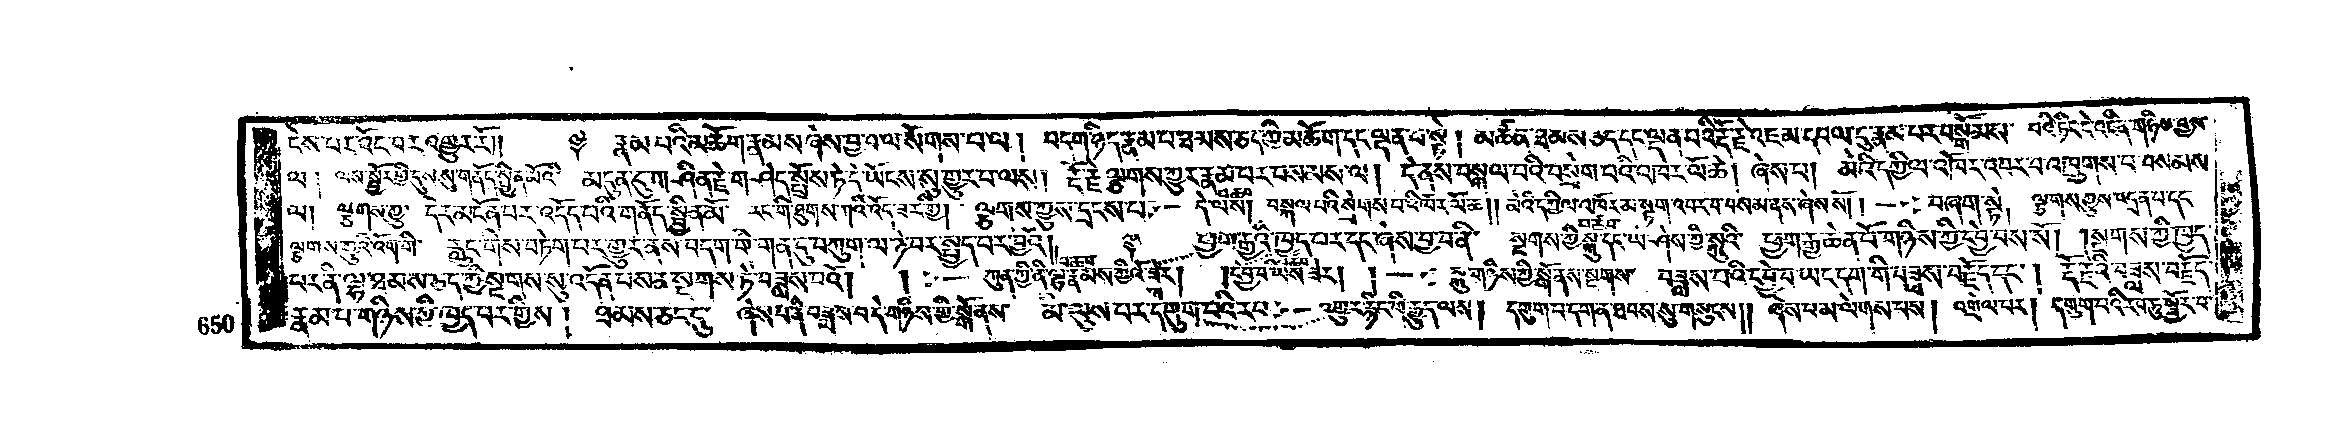ངེས་པར་འོང་བར་འགྱུར་རོ།། ༈ རྣམ་པའི་མཆོག་རྣམས་ཞེས་བྱ་བ་ལ་སོགས་པ་ལ། བདག་ཉིད་རྣམ་པ་ཐམས་ཅད་ཀྱི་མཆོག་དང་ལྡན་པ་སྟེ། མཚན་ཐམས་ཅད་དང་ལྡན་པའི་རྡོ་རྗེ་འཇམ་དཔལ་དུ་རྣམ་པར་བསྒོམས་པའི་ཏིང་ངེ་འཛིན་གཉིས་བྱས
ལ། ལས་སྦྱོར་གྱི་དུས་སུ་གནོད་སྦྱིན་མོའི་མདུན་དུ་གཤིན་རྗེ་གཤེད་སྤྲོས་ཏེ་དེ་ཡོངས་སུ་གྱུར་པ་ལས། རྡོ་རྗེ་ལྕགས་ཀྱུར་རྣམ་པར་བསམས་ལ། དེ་ནས་བསྐལ་པའི་བསྲེག་པའི་འཁོར་ལོ་ཆེ། ཞེས་པ། མེའི་དཀྱིལ་འཁོར་འབར་བ་འཁྲུགས་པ་བསམས་
ལ། ལྕགས་ཀྱུ་འདིར་མངོན་པར་འདོད་པའི་གནོད་སྦྱིན་མོ་རང་གི་ཐུགས་ཀའི་འོད་ཟེར་གྱི།  ལྕགས་ཀྱུས་དྲངས་པ་H.་དེ་ལས་པ་ཚབ། བསྐལ་པའི་སྲེགས་པ་འཁོར་ལོ་ཆ། །མེའི་དཀྱིལ་འཁོར་མི་སྟག་འབར་བ་བསམ་ནས་ཞེས་སོ། ། .H བཞག་སྟེ། ལྕགས་ཀྱུས་འདྲན་པ་དང་
ལྕགས་ཀྱུའི་འོག་གི་རླུང་གིས་བཏེག་པར་གྱུར་ནས་བདག་གི་གན་དུ་བཀུག་ལ་ཉེ་བར་སྤྱད་པར་བྱའོ།། ༈ ཕྱག་རྒྱའི་ཁྱད་པར་དང་ཞེས་བྱ་བ་ནི་སྔགས་ཀྱི་པ་ཚབ་སྐུ་དང་ཡེ་ཤེས་ཀྱི་སྐུའི་ཕྱག་རྒྱ་ཆེན་པོ་གཉིས་ཀྱི་དབྱེ་བས་སོ། །སྔགས་ཀྱི་ཁྱད་
པར་ནི་ལྷ་ཐམས་ཅད་ཀྱི་སྔགས་སུ་འདོན་པས་ན་སྔགས་ཏེ་བཟླས་པའོ། ། H.་ཀུན་གྱི་ནི་ལྷ་པ་ཚབ་རྣམས་ཀྱིའོ་ཟེར། །དབྱེ་བ་ཡིས་པ་ཚབ་ཟེར། ། .H སྐུ་གཉིས་ཀྱི་སྒོ་ནས་སྔགས་བཟླས་པའི་དབྱེ་བ་ཡང་དག་གི་བཟླས་བརྗོད་དང་། རྡོ་རྗེའི་བཟླས་བརྗོད་
རྣམ་པ་གཉིས་ཀྱི་ཁྱད་པར་གྱིས། ཐམས་ཅད་དུ་ཞེས་པ་ནི་བཟླས་པ་དེ་གཉིས་ཀྱི་སྒོ་ནས་མི་ལུས་པར་དགུག་པའི་རབ་H.་འགྱུར་རྙིང་གི་རྒྱུད་ལས། དགུག་པ་དག་ནི་ཐབས་སུ་གསུངས། །ཞེས་པ་མ་ལེགས་པས། འགྲེལ་པར། དགུག་པའི་རབ་ཏུ་སྦྱོར་བ་